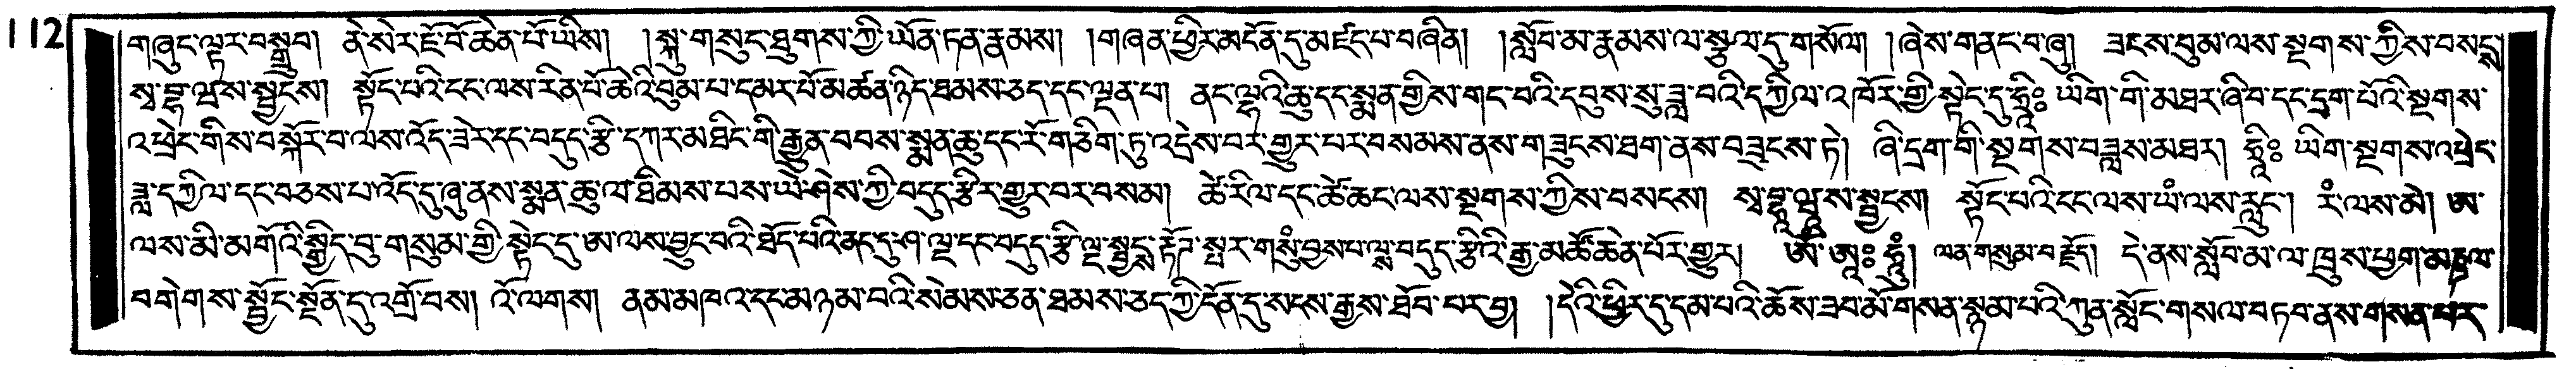གཞུང་ལྟར་བསྒྲུབ། ནེ་སེར་ཇོ་བོ་ཆེན་པོ་ཡིས། །སྐུ་གསུང་ཐུགས་ཀྱི་ཡོན་ཏན་རྣམས། །གཞན་ཕྱིར་མངོན་དུ་མཛད་པ་བཞིན། །སློབ་མ་རྣམས་ལ་སྩལ་དུ་གསོལ། །ཞེས་གནང་བ་ཞུ། ཟངས་བུམ་ལས་སྔགས་ཀྱིས་བསངས་
སྭ་བྷ་ཝས་སྦྱངས། སྟོང་པའི་ངང་ལས་རིན་པོ་ཆེའི་བུམ་པ་དམར་པོ་མཚན་ཉིད་ཐམས་ཅད་དང་ལྡན་པ། ནང་ལྷའི་ཆུ་དང་སྨན་གྱིས་གང་བའི་དབུས་སུ་ཟླ་བའི་དཀྱིལ་འཁོར་གྱི་སྟེང་དུ་ཧྲཱིཿ ཡིག་གི་མཐར་ཞི་བ་དང་དྲག་པོའི་སྔགས་
འཕྲེང་གིས་བསྐོར་བ་ལས་འོད་ཟེར་དང་བདུད་རྩི་དཀར་མཐིང་གི་རྒྱུན་བབས་སྣམ་ཆུ་དང་རོ་གཅིག་ཏུ་འདྲེས་པར་གྱུར་པར་བསམས་ན་གཟུང་ཐག་ནས་གཟུངས་ཏེ། ཞི་དྲག་གི་སྔགས་བཟླས་མཐར། ཧྲཱིཿ ཡིག་སྔགས་འཕྲེང་
ཟླ་དཀྱིལ་དང་བཅས་པ་འདོ་དུ་ཞུ་ནས་སྣམ་ཆུ་ལ་ཐིམས་པས་ཡེ་ཤེས་ཀྱི་བདུད་རྩིར་གྱུར་བར་བསམ། ཚེ་རིལ་དང་ཚེ་ཆང་ལས་སྔགས་ཀྱིས་བསངས། སྭ་བྷཱ་ཝཱ་ས་སྦྱངས། སྟོང་པའི་ངང་ལས་ཡཾ་ལས་རླུང་། རཾ་ལས་མེ། ཨ་
ལས་མི་མགོའི་སྒྱིད་བུ་གསུམ་གྱི་སྟེང་དུ་ཨ་ལས་བྱུང་བའི་ཐོད་པའི་ནང་དུ་ཤ་ལྔ་དང་བདུད་རྩི་ལྔ་སྦྱངས་རྟོགས་སྤར་གསུཾ་བྱས་པ་ལས་བདུད་རྩིའི་རྒྱ་མཚོ་ཆེན་པོར་གྱུར། ཨོཾ་ཨཱཿ ཧཱུཾ། ལན་གསུམ་བརྗོད། དེ་ནས་སློབ་མ་ལ་ཁྲུས་ཕྱག་མཎྜལ་
བགེགས་སྦྱོང་སྔོན་དུ་འགྲོ་བས། འོ་ལགས། ནམ་མཁའ་དང་མཉམ་པའི་སེམས་ཅན་ཐམས་ཅད་ཀྱི་དོན་དུ་སངས་རྒྱས་ཐོབ་པར་བྱ། །དེའི་ཕྱིར་དུ་དམ་པའི་ཆོས་ཟབ་མོ་གསན་སྙམ་པའི་ཀུན་སློང་གསལ་བཏབ་ནས་གསན་པར་